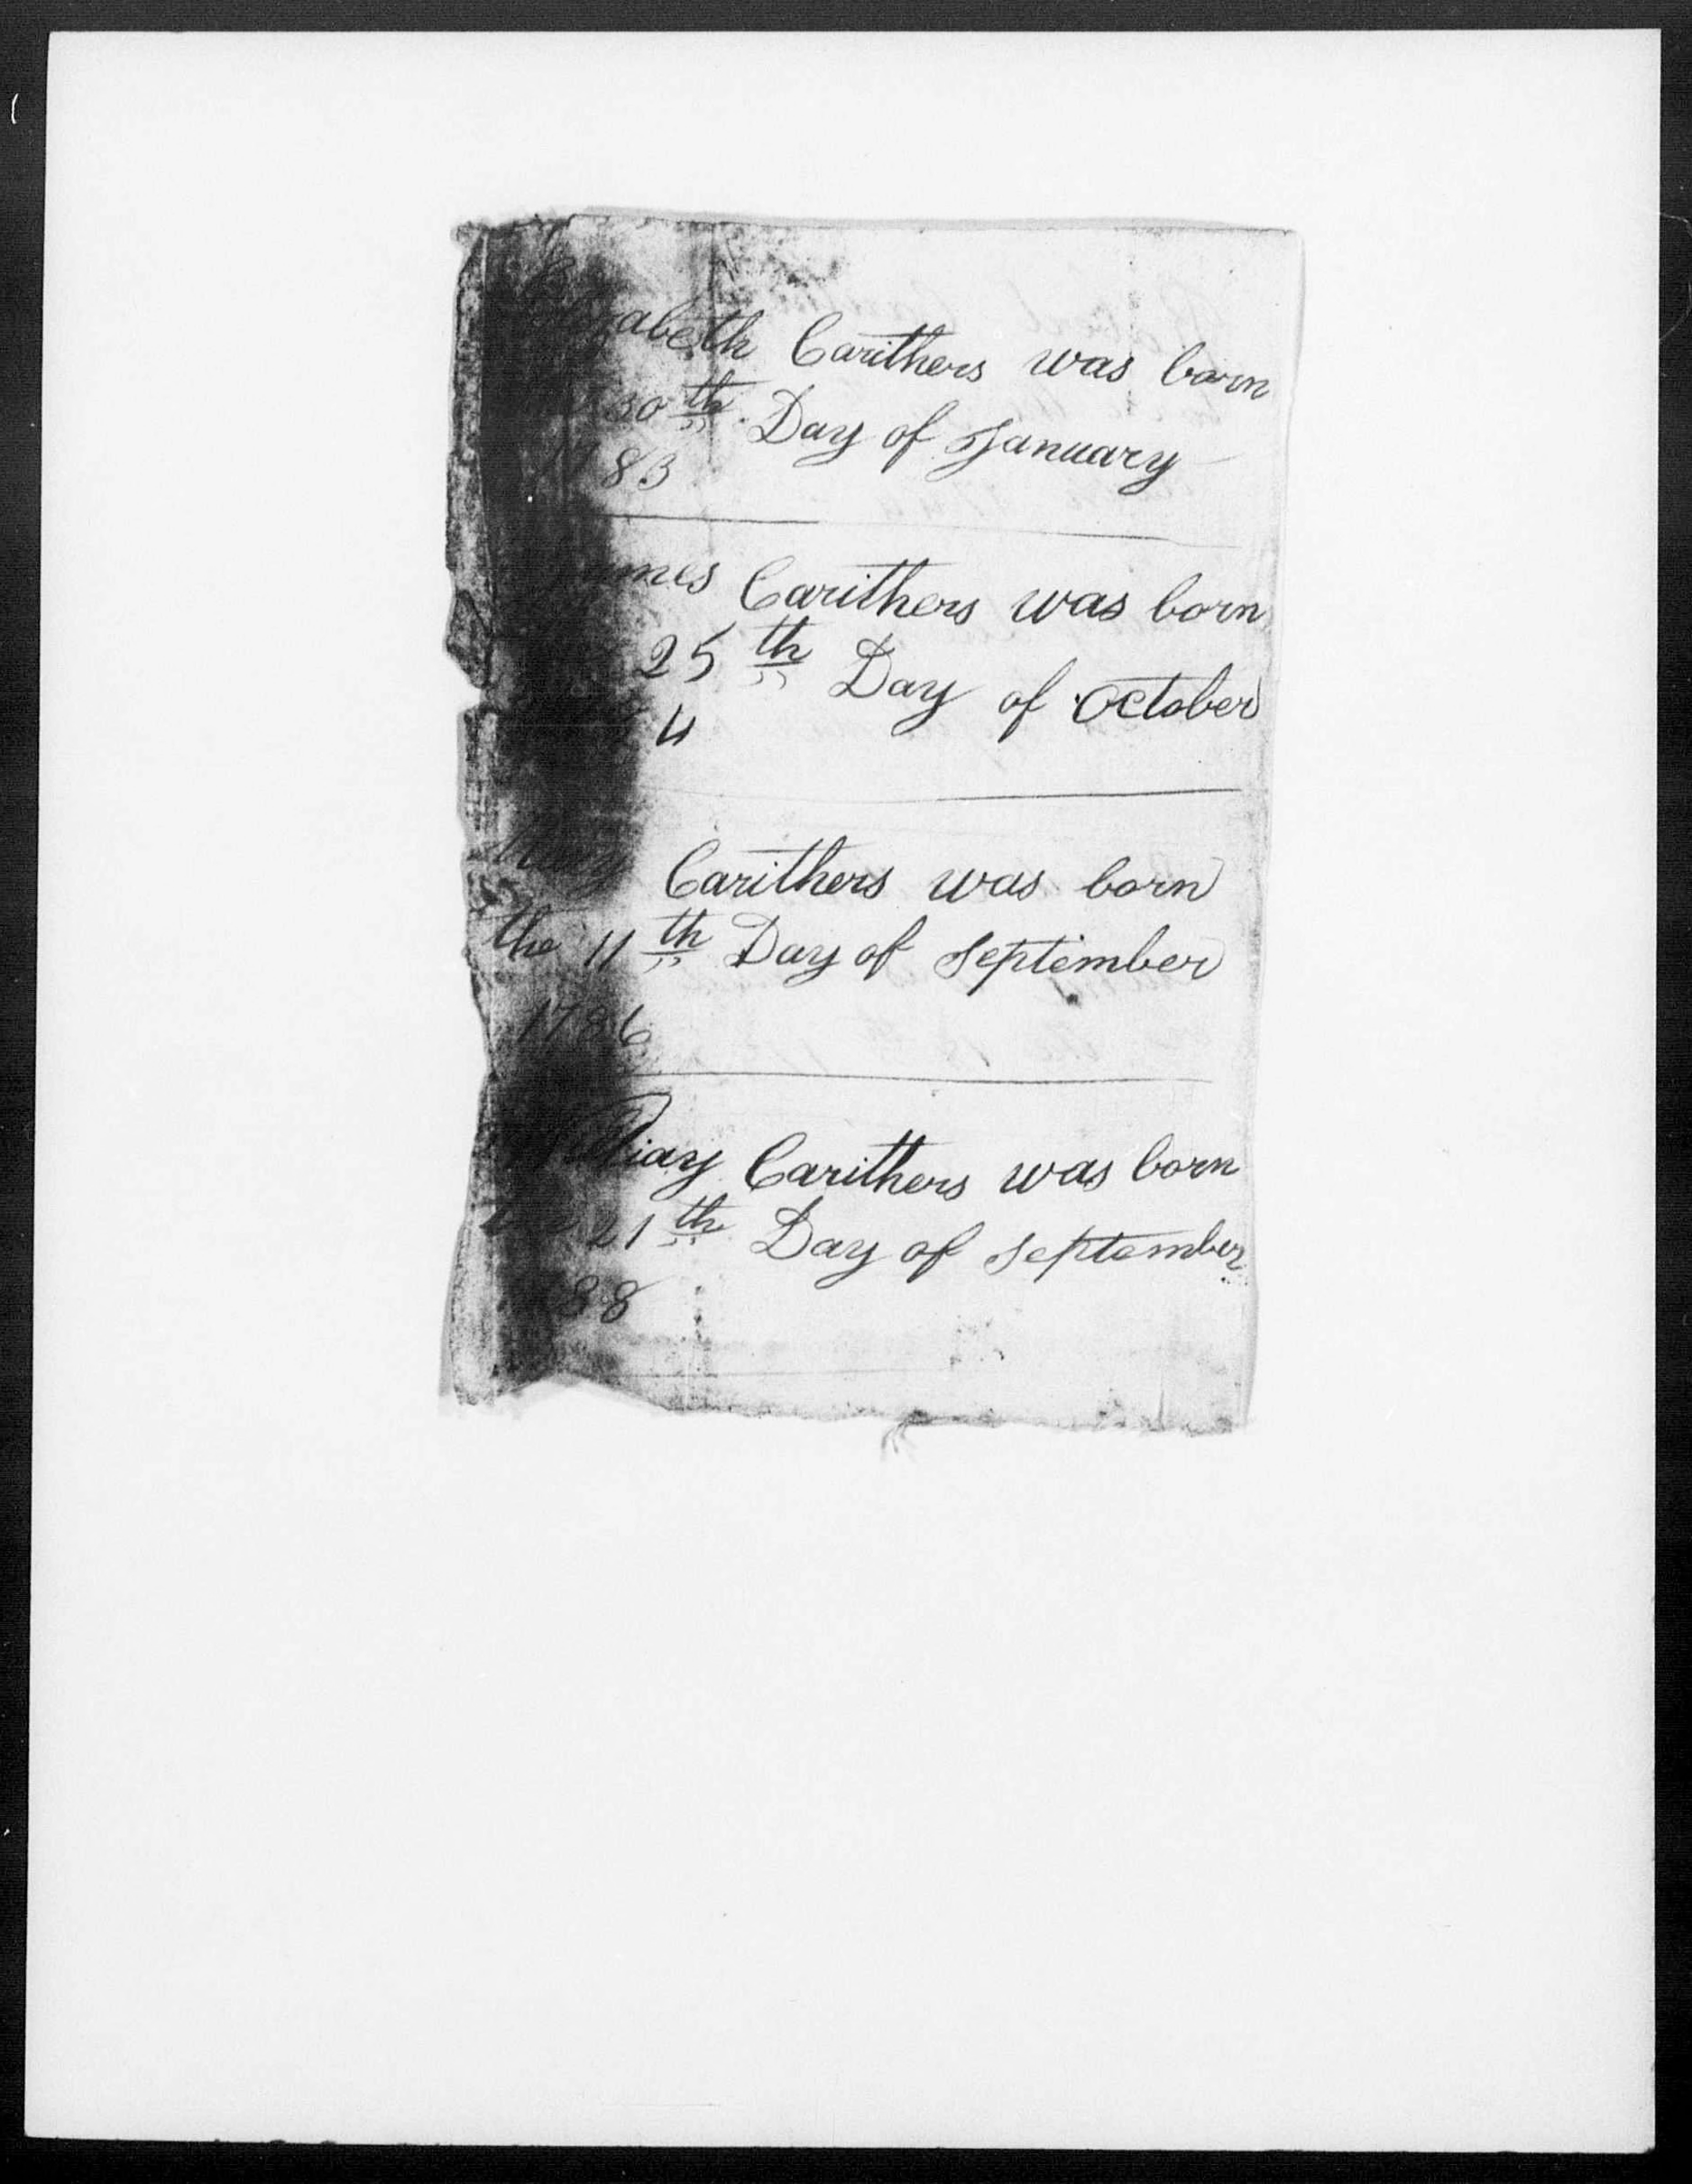Elizabeth Carithers was born on the 30th Day of January 1783

James Carithers was born 25th Day of October 4

Mary Carithers was born the 11th Day of September 1786

Riay Carithers was born the 21th Day of September 1788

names: Riay Carithers, Mary Carithers, James Carithers, Elizabeth Carithers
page: 12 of 33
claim: widow's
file: W. 23779, Robert Carithers, S.C.